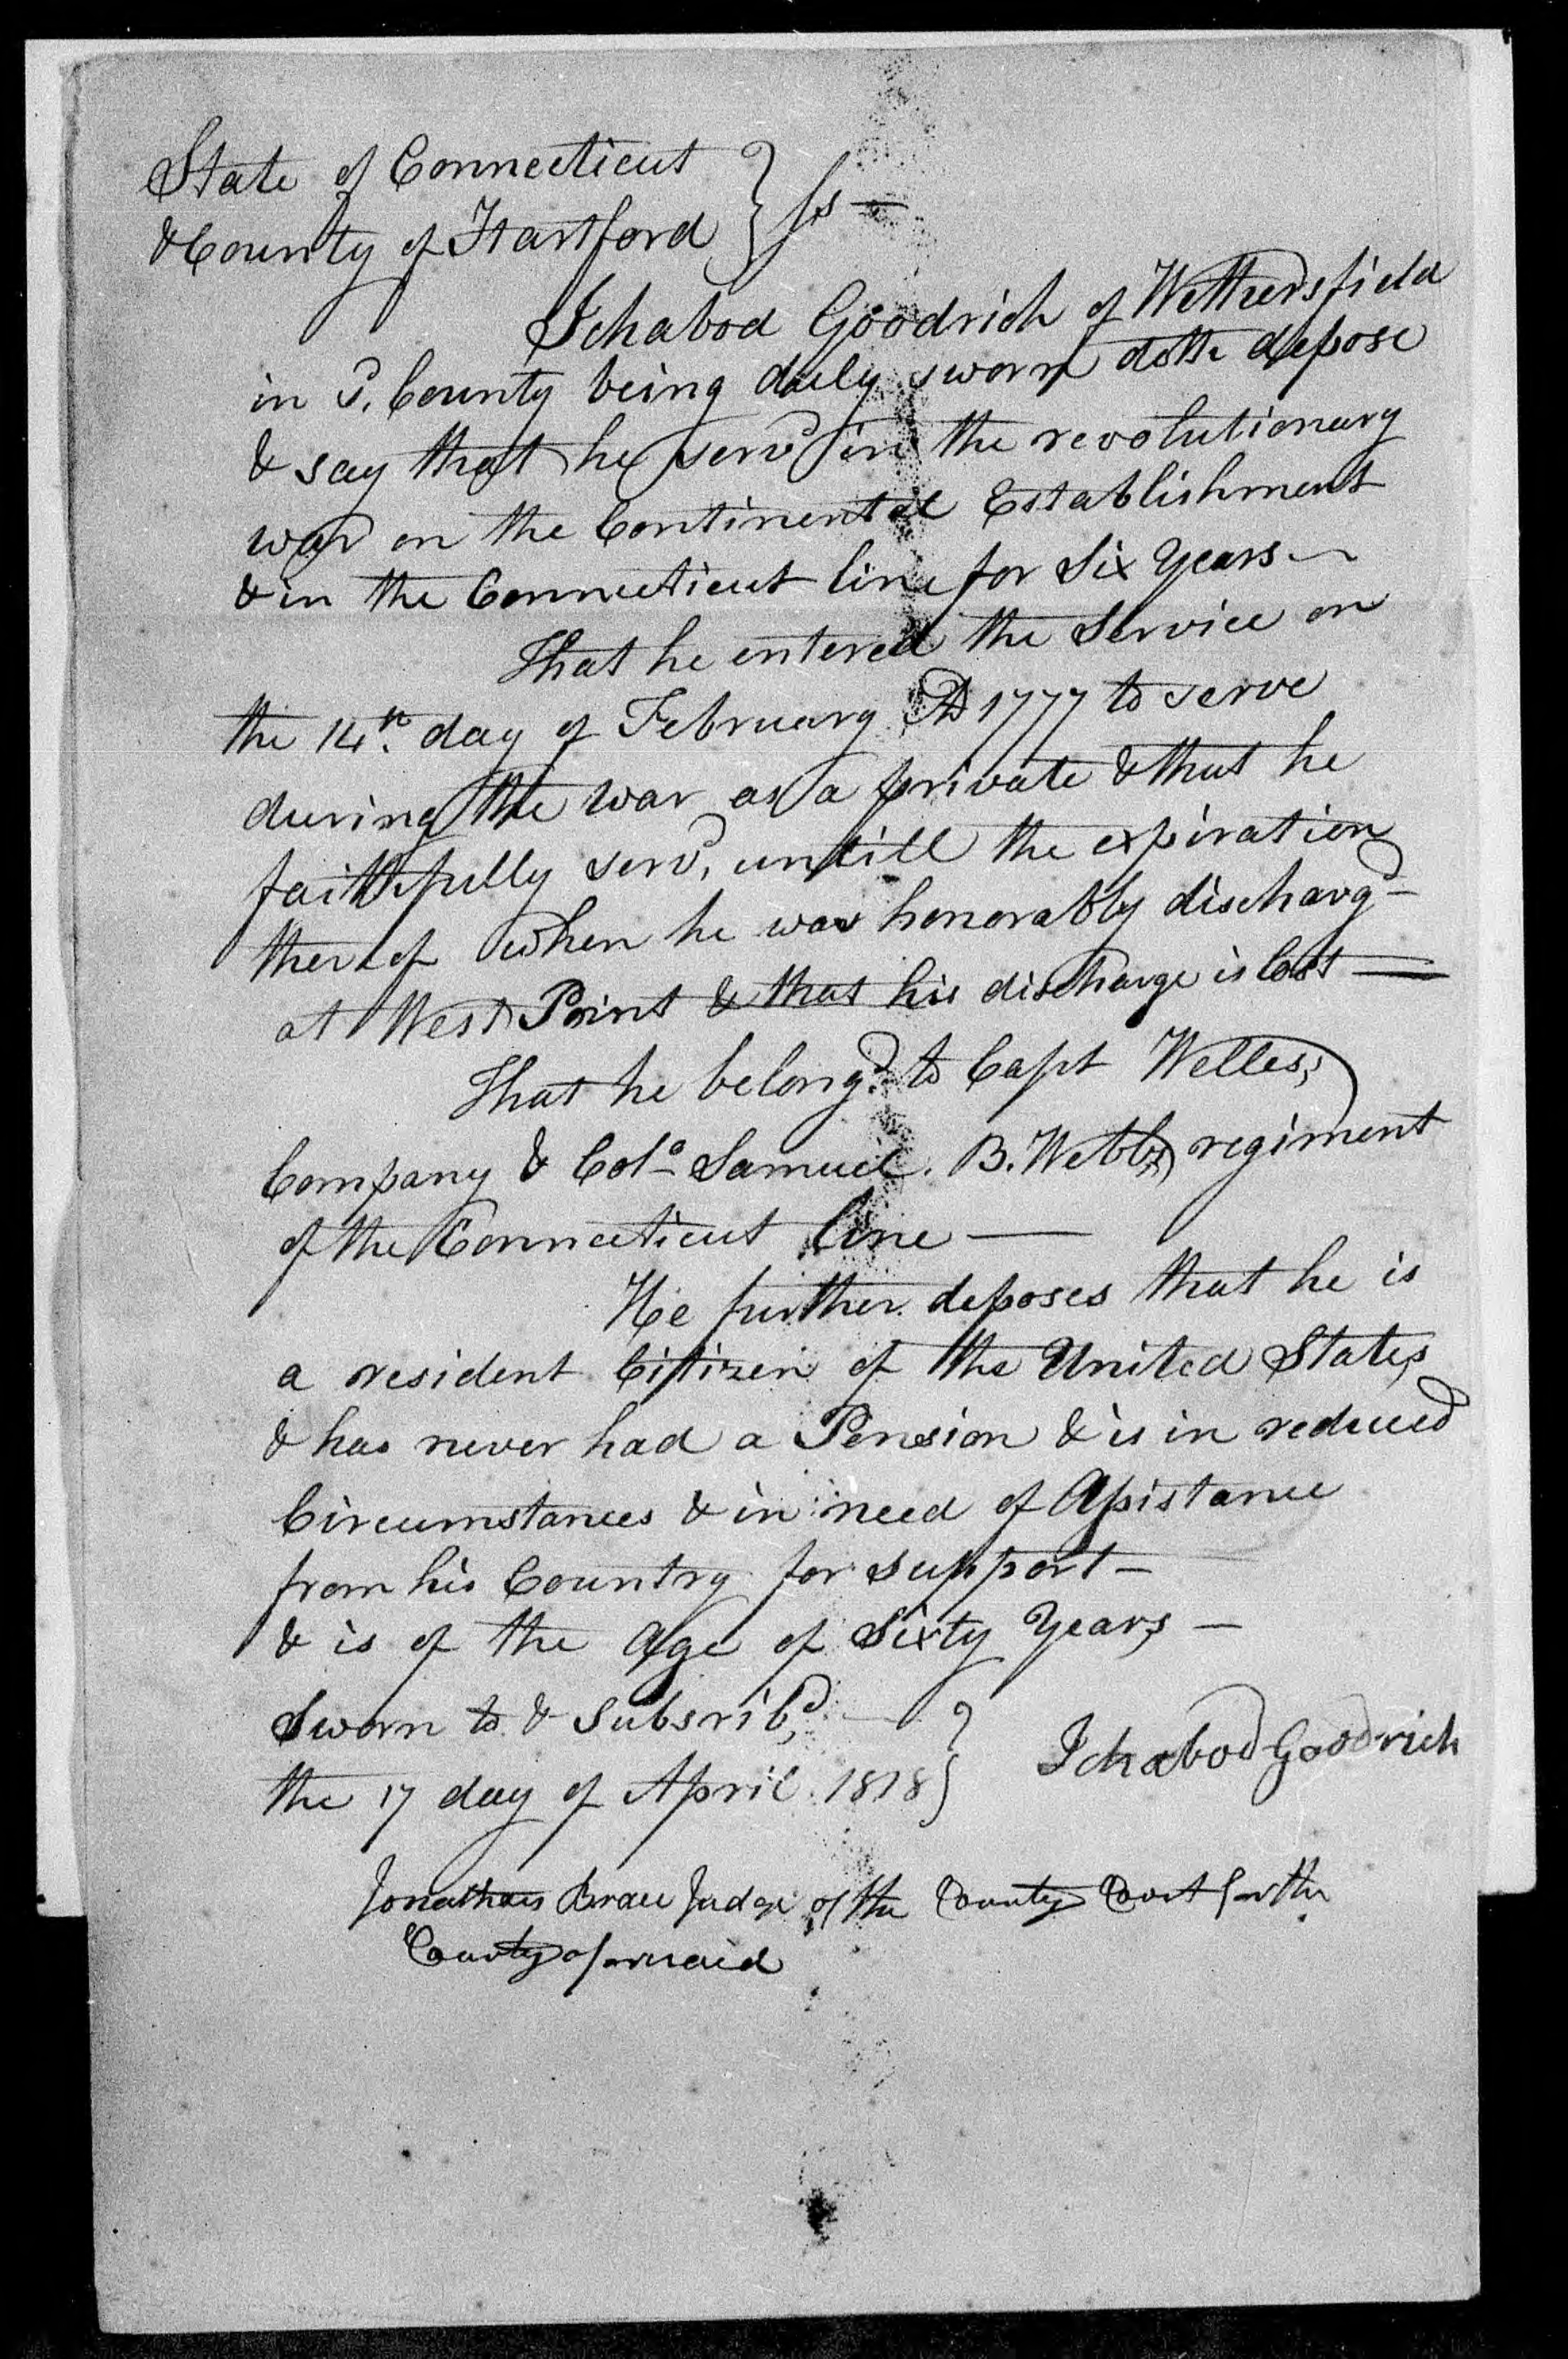State of Connecticut
County of Hartford Ss

Ichabod Goodrich of Wethersfield in said County being duly sworn doth depose and say that he served in the revolutionary war on the Continental Establishment & in the Connecticut line for six years.
That he entered the service on the 14th day of February AD 1777 to serve during the war as a private & thus he faithfully served until the expiration thereof when he was honorably discharged at West Point & that his discharge is lost.
That he belonged to Capt Welles' Company & Col Samuel B. Webbs Regiment of the Connecticut line. 
He further deposes that he is a resident citizen of the United States &has never had a Pension & is in reduced circumstances & in need of Assistance from his country for support. & is of the age of sixty years.
Sworn to and Subscrib
the 17 day of April 1818
Ichabod Goodrich

Jonathan Brace Judge of the County Court for the County aforesaid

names: Ichabod Goodrich, Jonathan Brace, Ichabod Goodrich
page: 5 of 46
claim: survivor's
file: S. 36,556, Ichabod Goodrich, Conn.